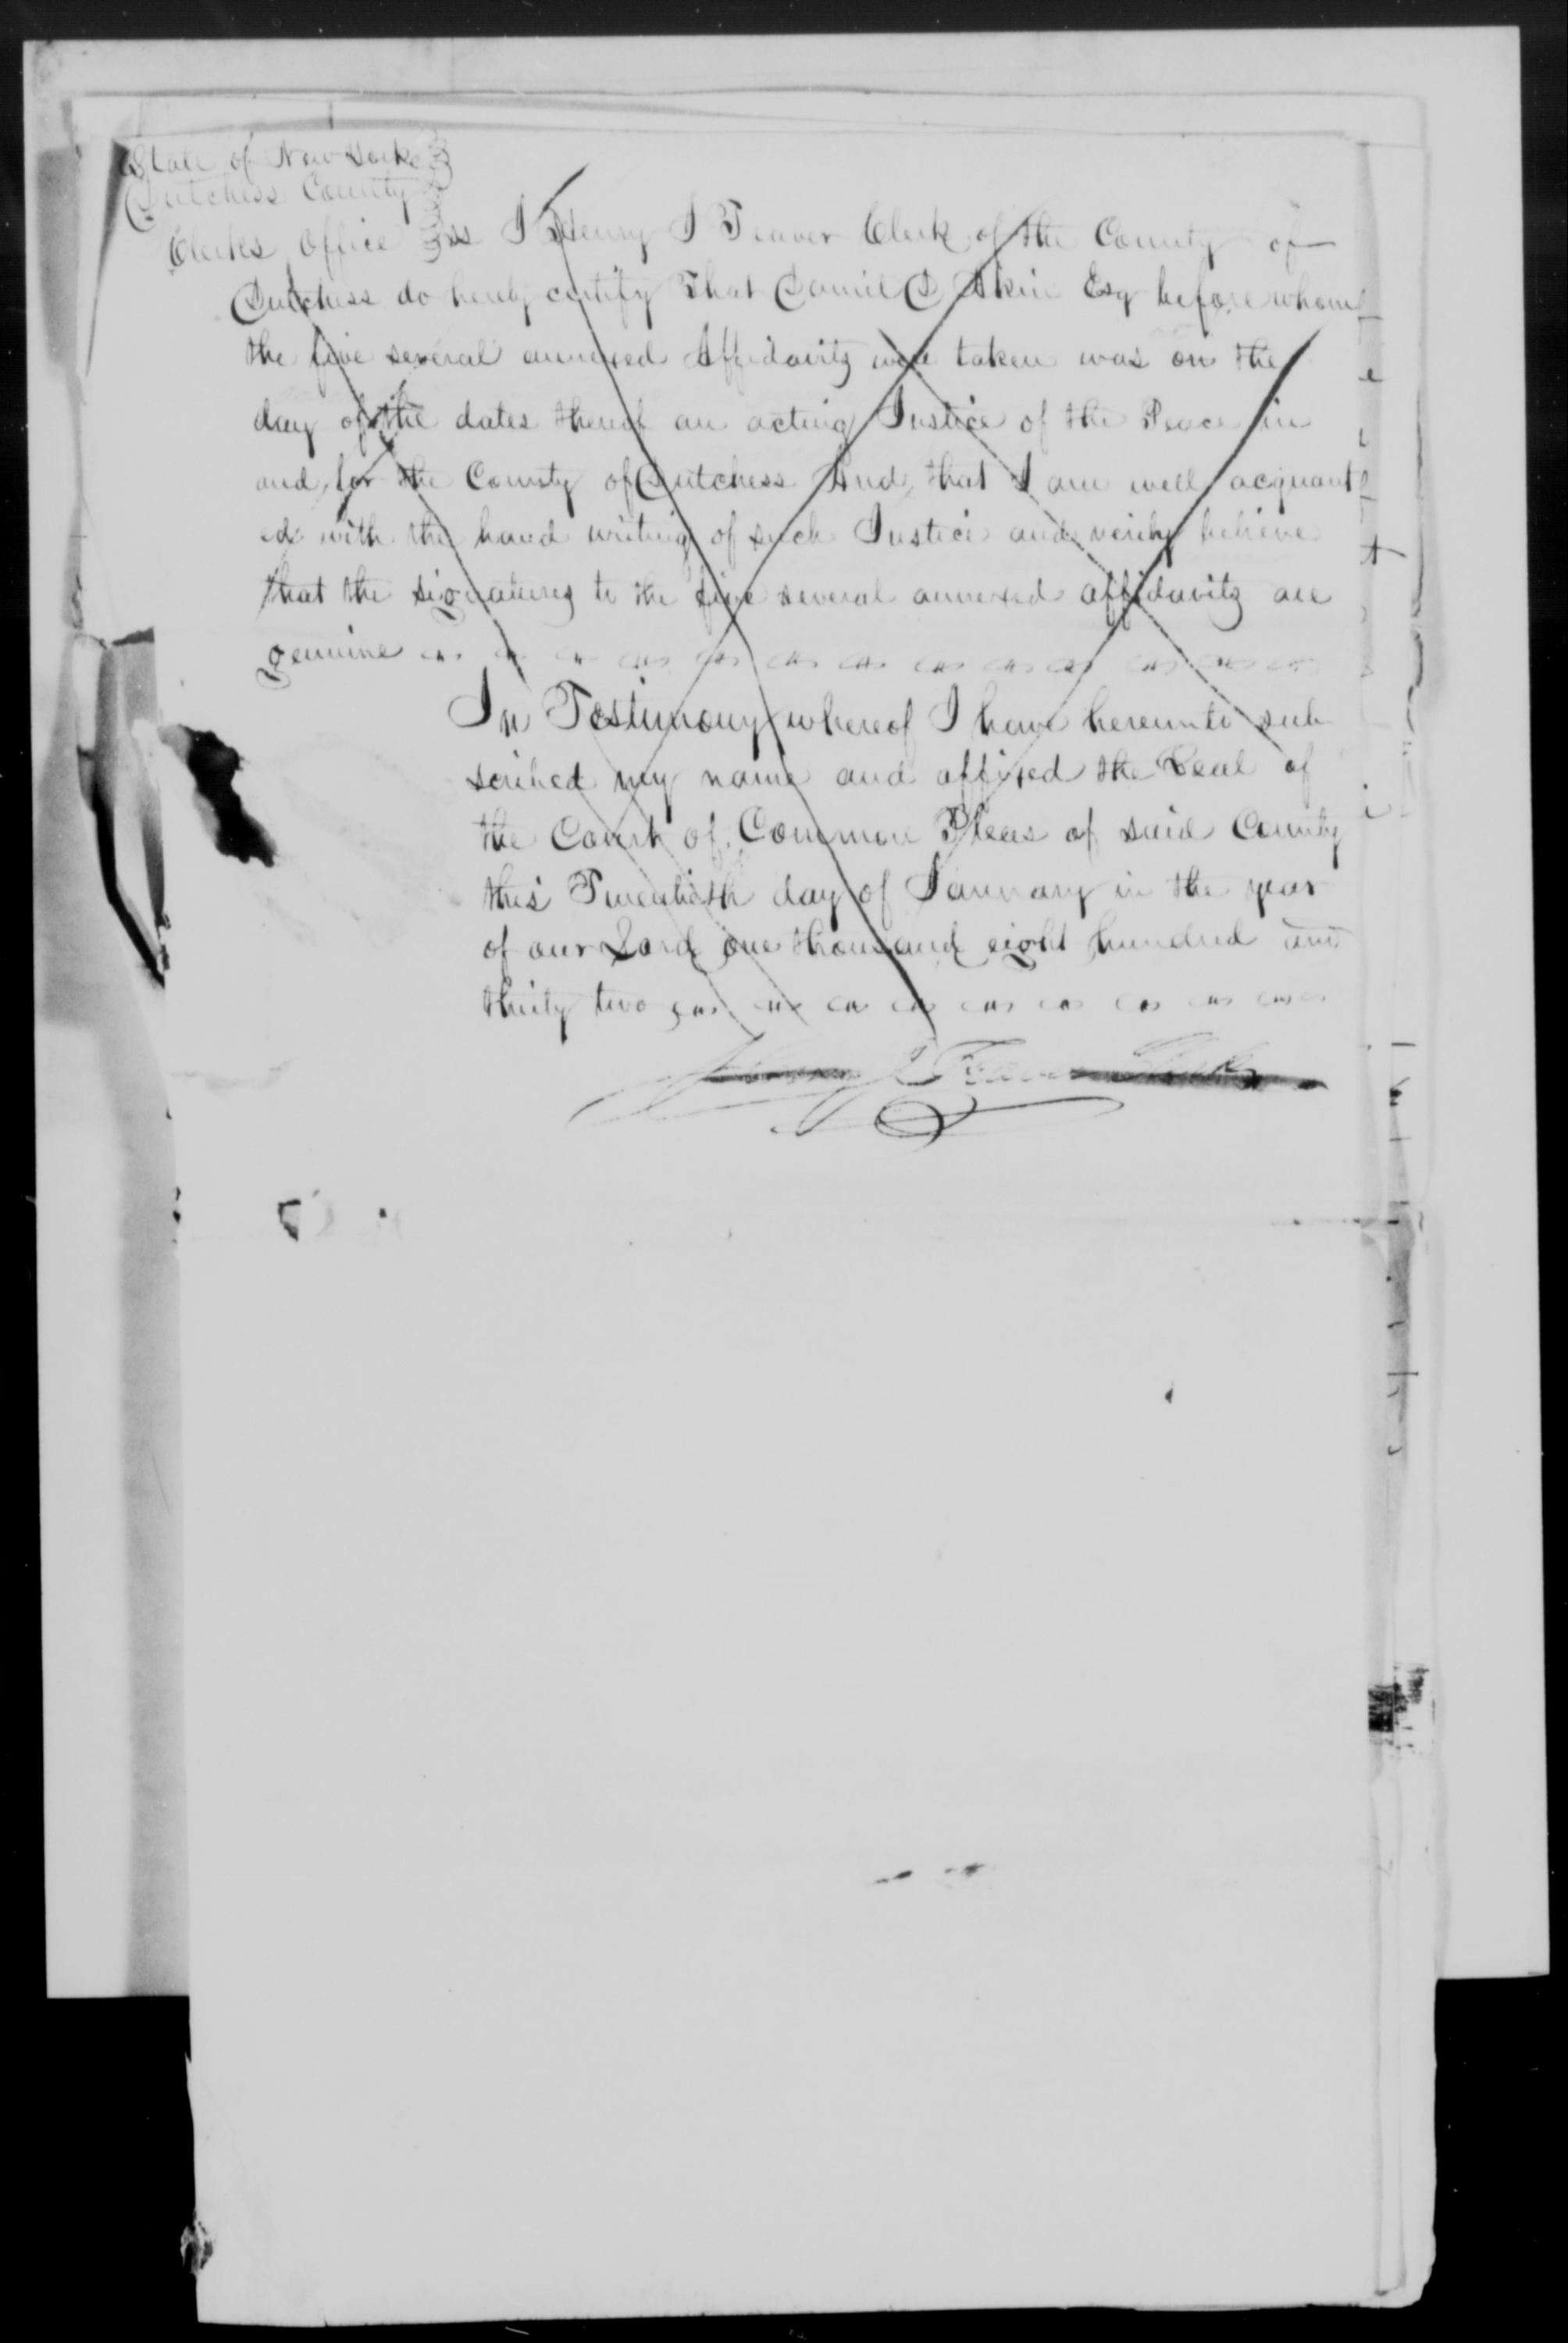[ENTIRE PAGE IS CROSSED OUT BUT LEGIBLE]

State of New York
Dutchess County SS I Henry J Traver Clerk of the County of Dutchess do hereby certify that Daniel C Akin Esq before whom the five several annexed Affidavits were taken was on the day of the dates thereof an acting Justice of the Peace in and for the County of Dutchess  And that I am well acquainted with the hand writing of such Justice and verily believe that the signature to the five several annexed affidavits are genuine
In Testimony thereof I have hereunto subscribed my name and affixed the Seal of the Court of Common Pleas of said County this Twentieth day of January in the year Lord one thousand eight hundred of and thirty two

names: Daniel D Akin, Henry J Traver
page: 35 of 77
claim: widow's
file: W. 19658, John Woodin, New York